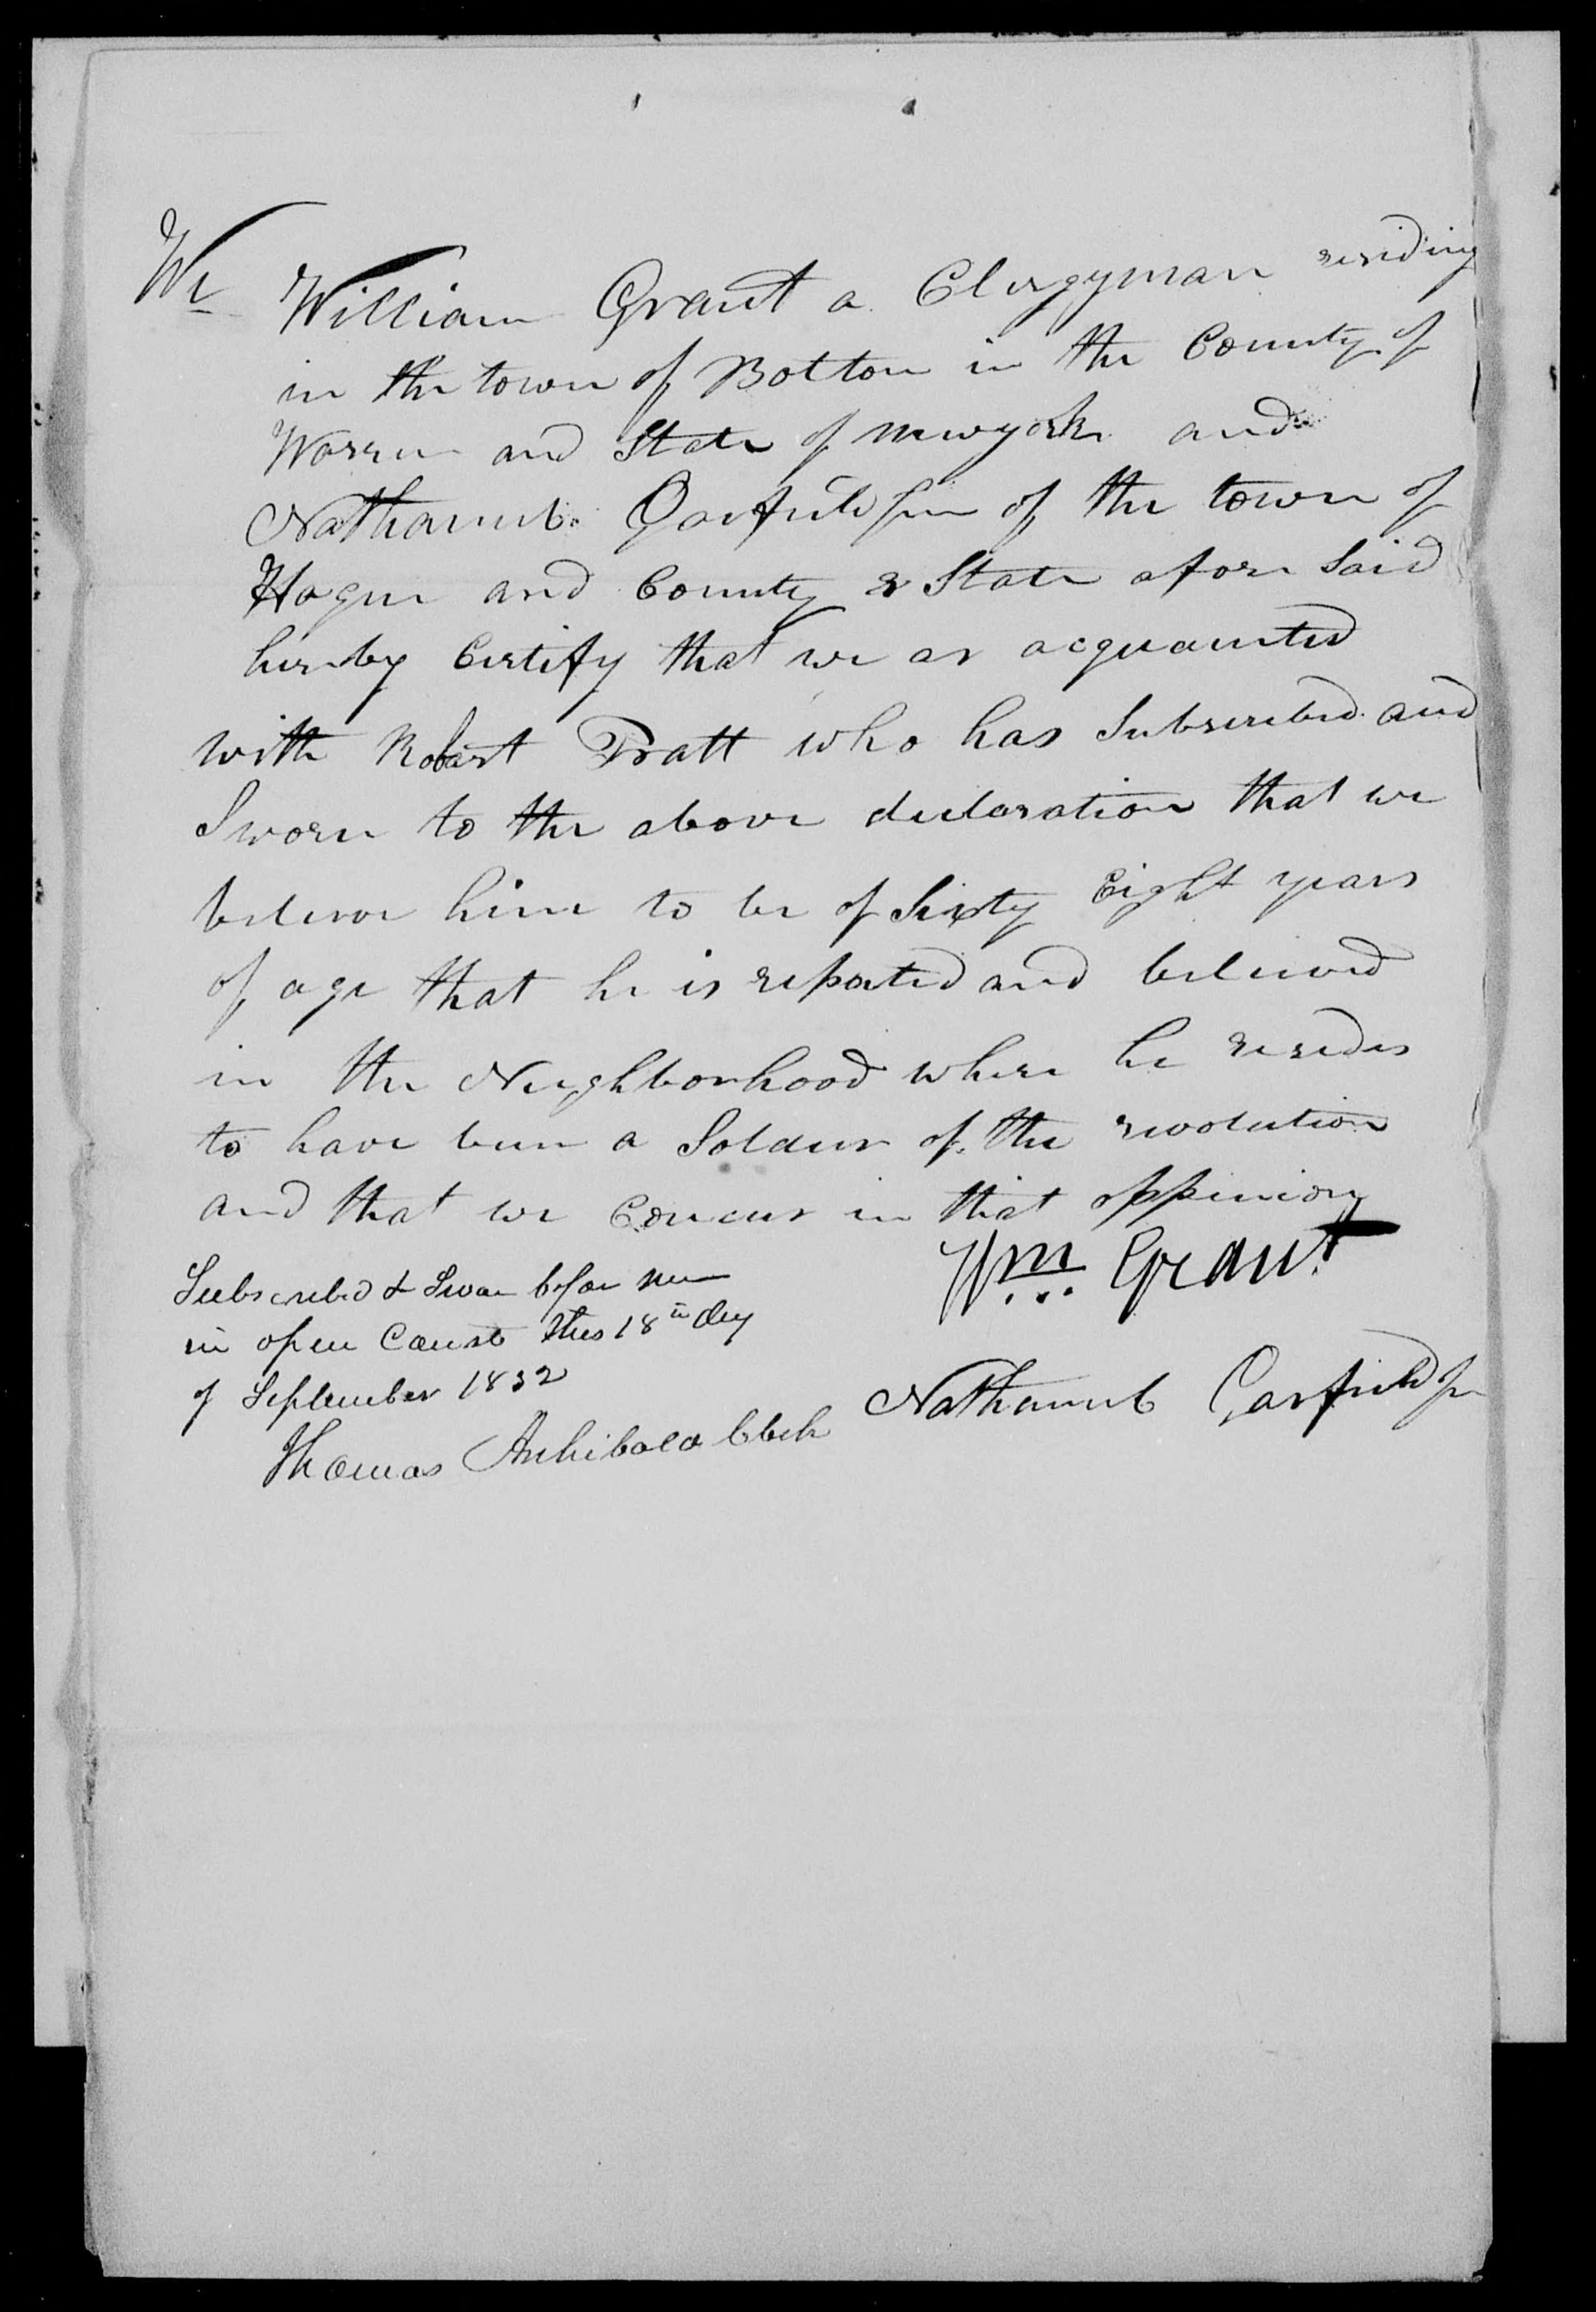We, William Grant a Clergyman residing
in the town of Bolton in the County of
Warren and State of New York and
Nathaniel Garfield of the town of
Hague and County & State aforesaid
hereby certify that we are acquainted with
Robert Pratt who has subscribed and
Sworn to the above declaration, that we
believe him to be of Sixty Eight years
of age, that he is reputed and believed
in the Neighborhood where he resides
to have been a soldier of the revolution
and that we concur in that opinion.
[signed] Wm Grant
[signed] Nathaniel Garfield, Jr
Subscribed & Sworn before me
in open Court this 18th day
of September 1832
Thomas Archibald Clerk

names: Nathaniel Garfield; Robart Pratt; William Grant; Thomas Archibald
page: 13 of 23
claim: survivor's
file: S. 14,229, for Robert Pratt, New York